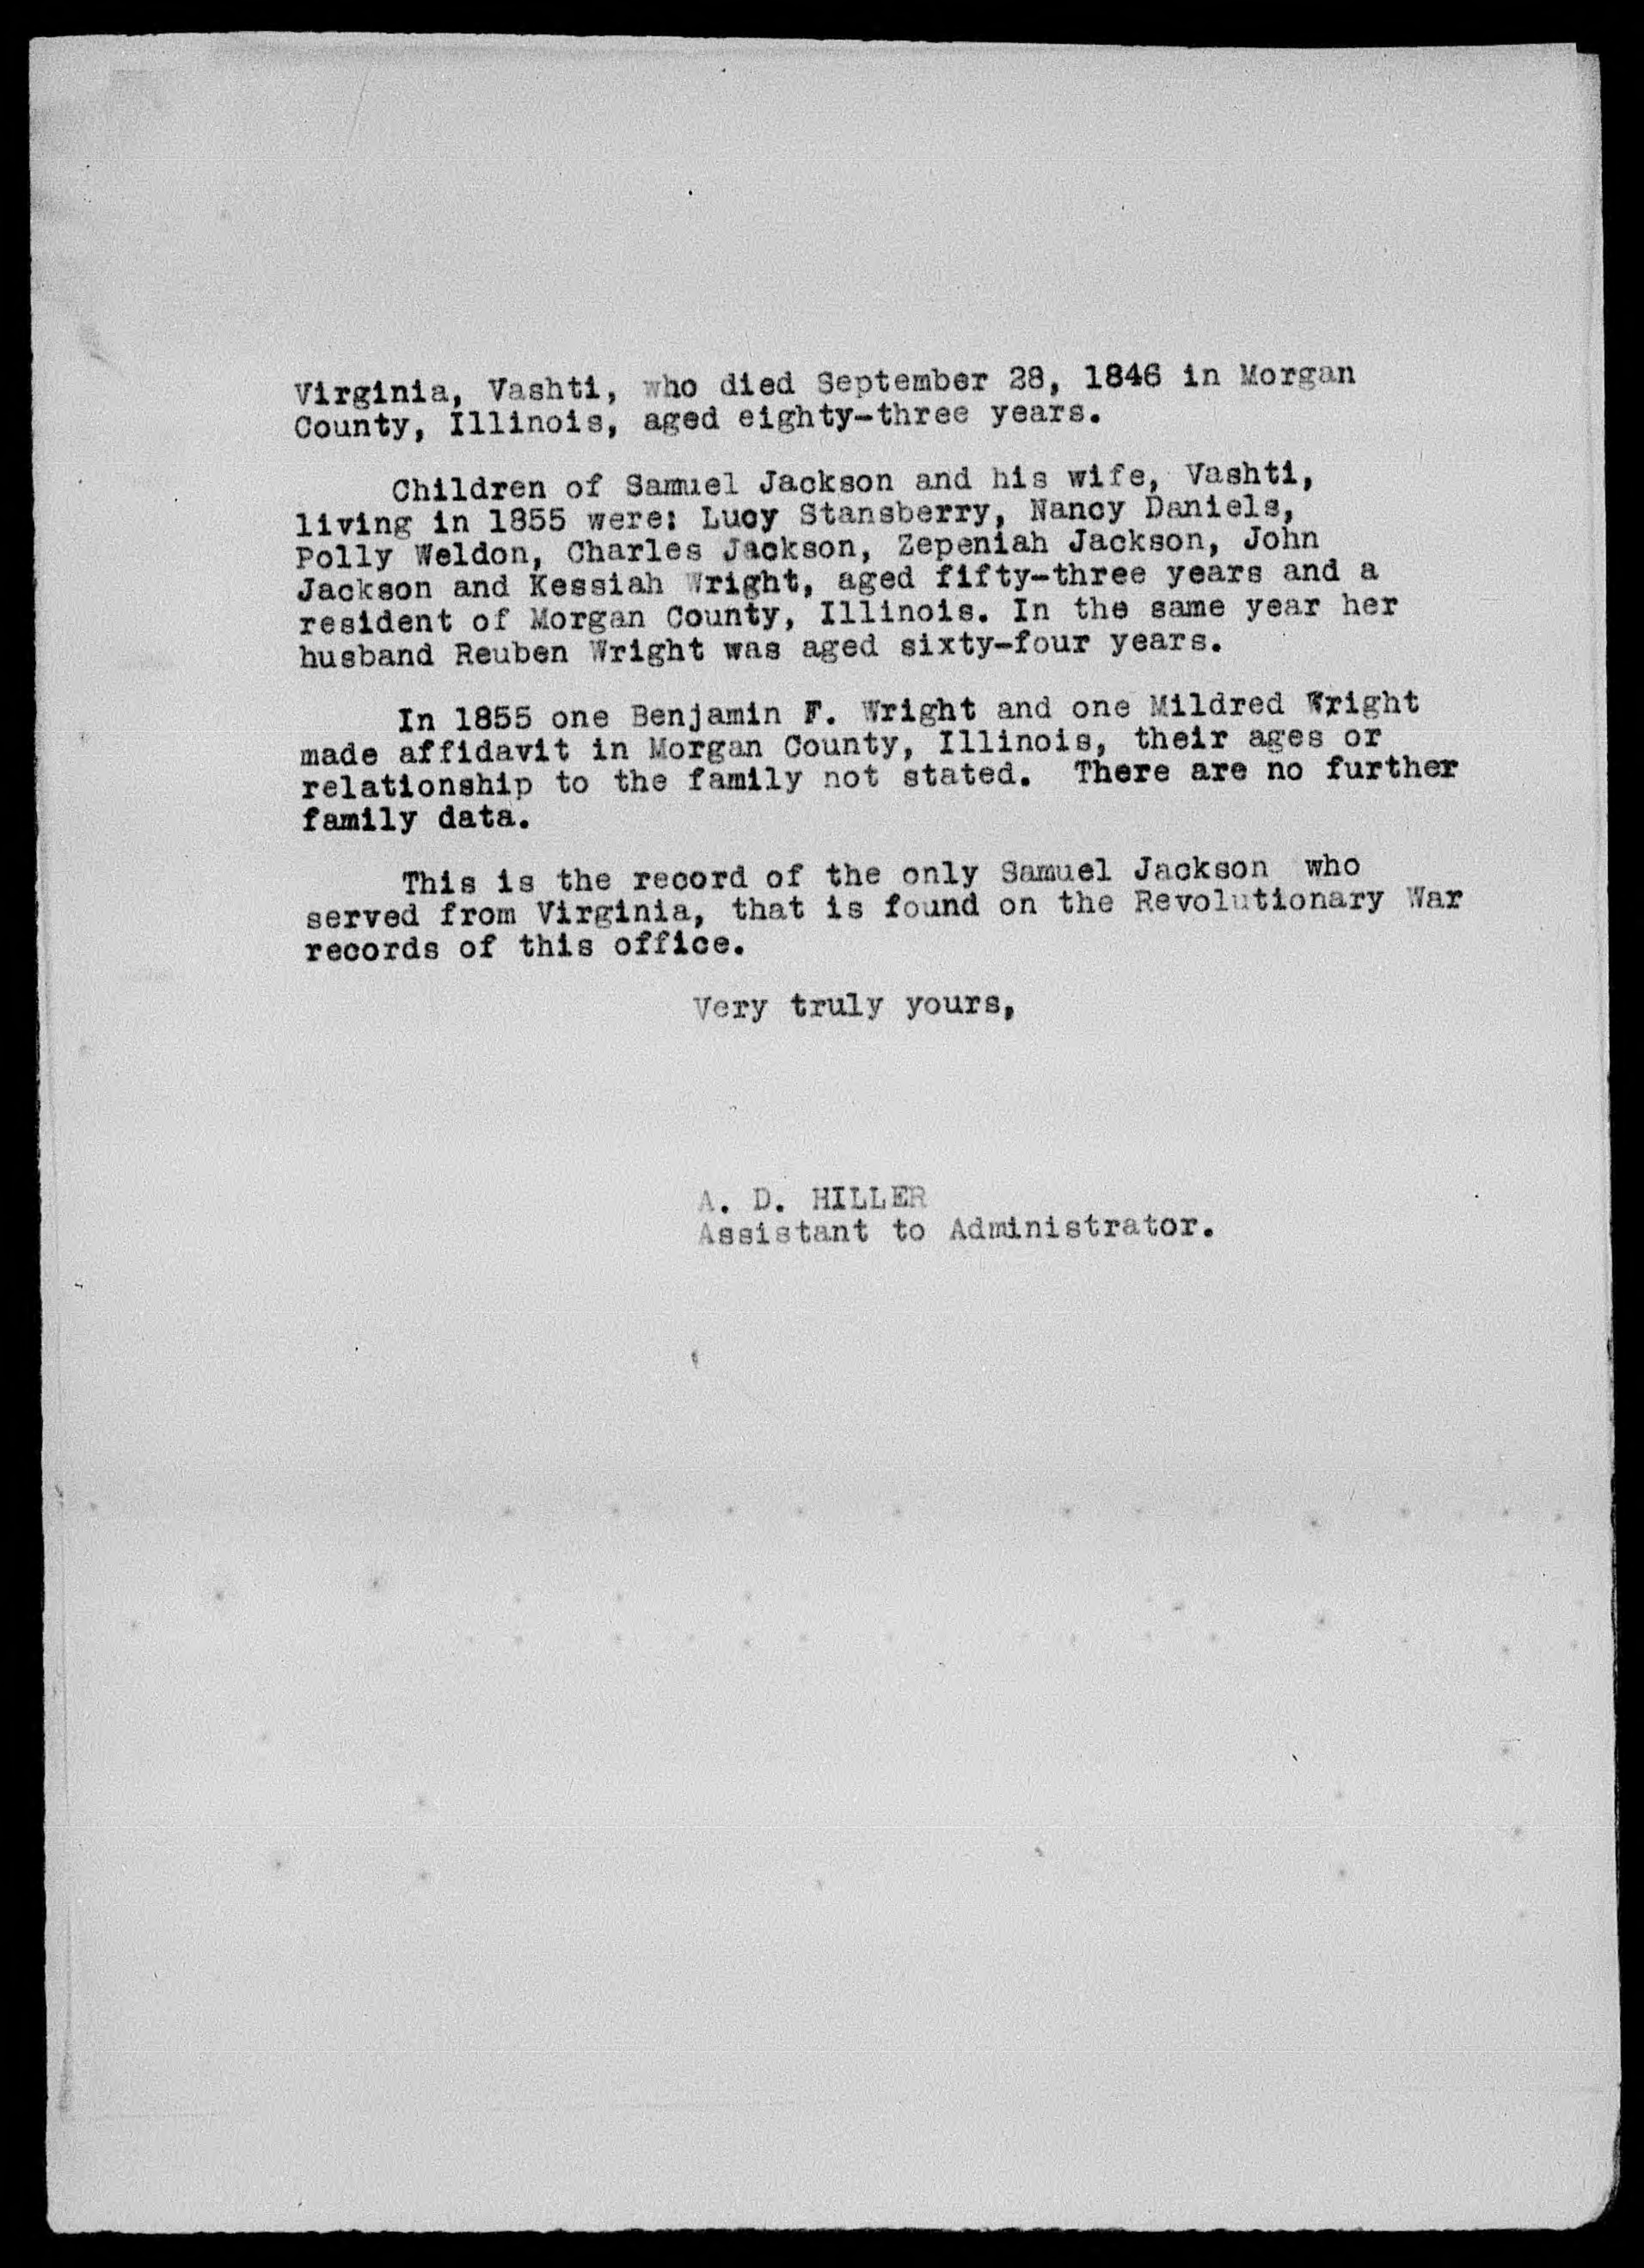Virginia, Vashti, who died September 28, 1846 in Morgan
County, Illinois, aged eighty-three years.

Children of Samuel Jackson and his wife, Vashti,
living in 1855 were: Lucy Stansberry, Nancy Daniels,
Polly Weldon, Charles Jackson, Zepeniah Jackson, John
Jackson and Kessiah Wright, aged fifty-three years and a
resident of Morgan County, Illinois. In the same year her
husband Reuben Wright was aged sixty-four years.

In 1855 one Benjamin F. Wright and one Mildred Wright
made affidavit in Morgan County, Illinois, their ages or
relationship to the family not stated. There are no further
family data.

This is the record of the only Samuel Jackson who
served from Virginia, that is found on the Revolutionary War
records of this office.

Very truly yours,

A. D. HILLER
Assistant to Administrator.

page: 54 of 56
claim: rejected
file: R 5529, for Samuel Jackson, Virginia